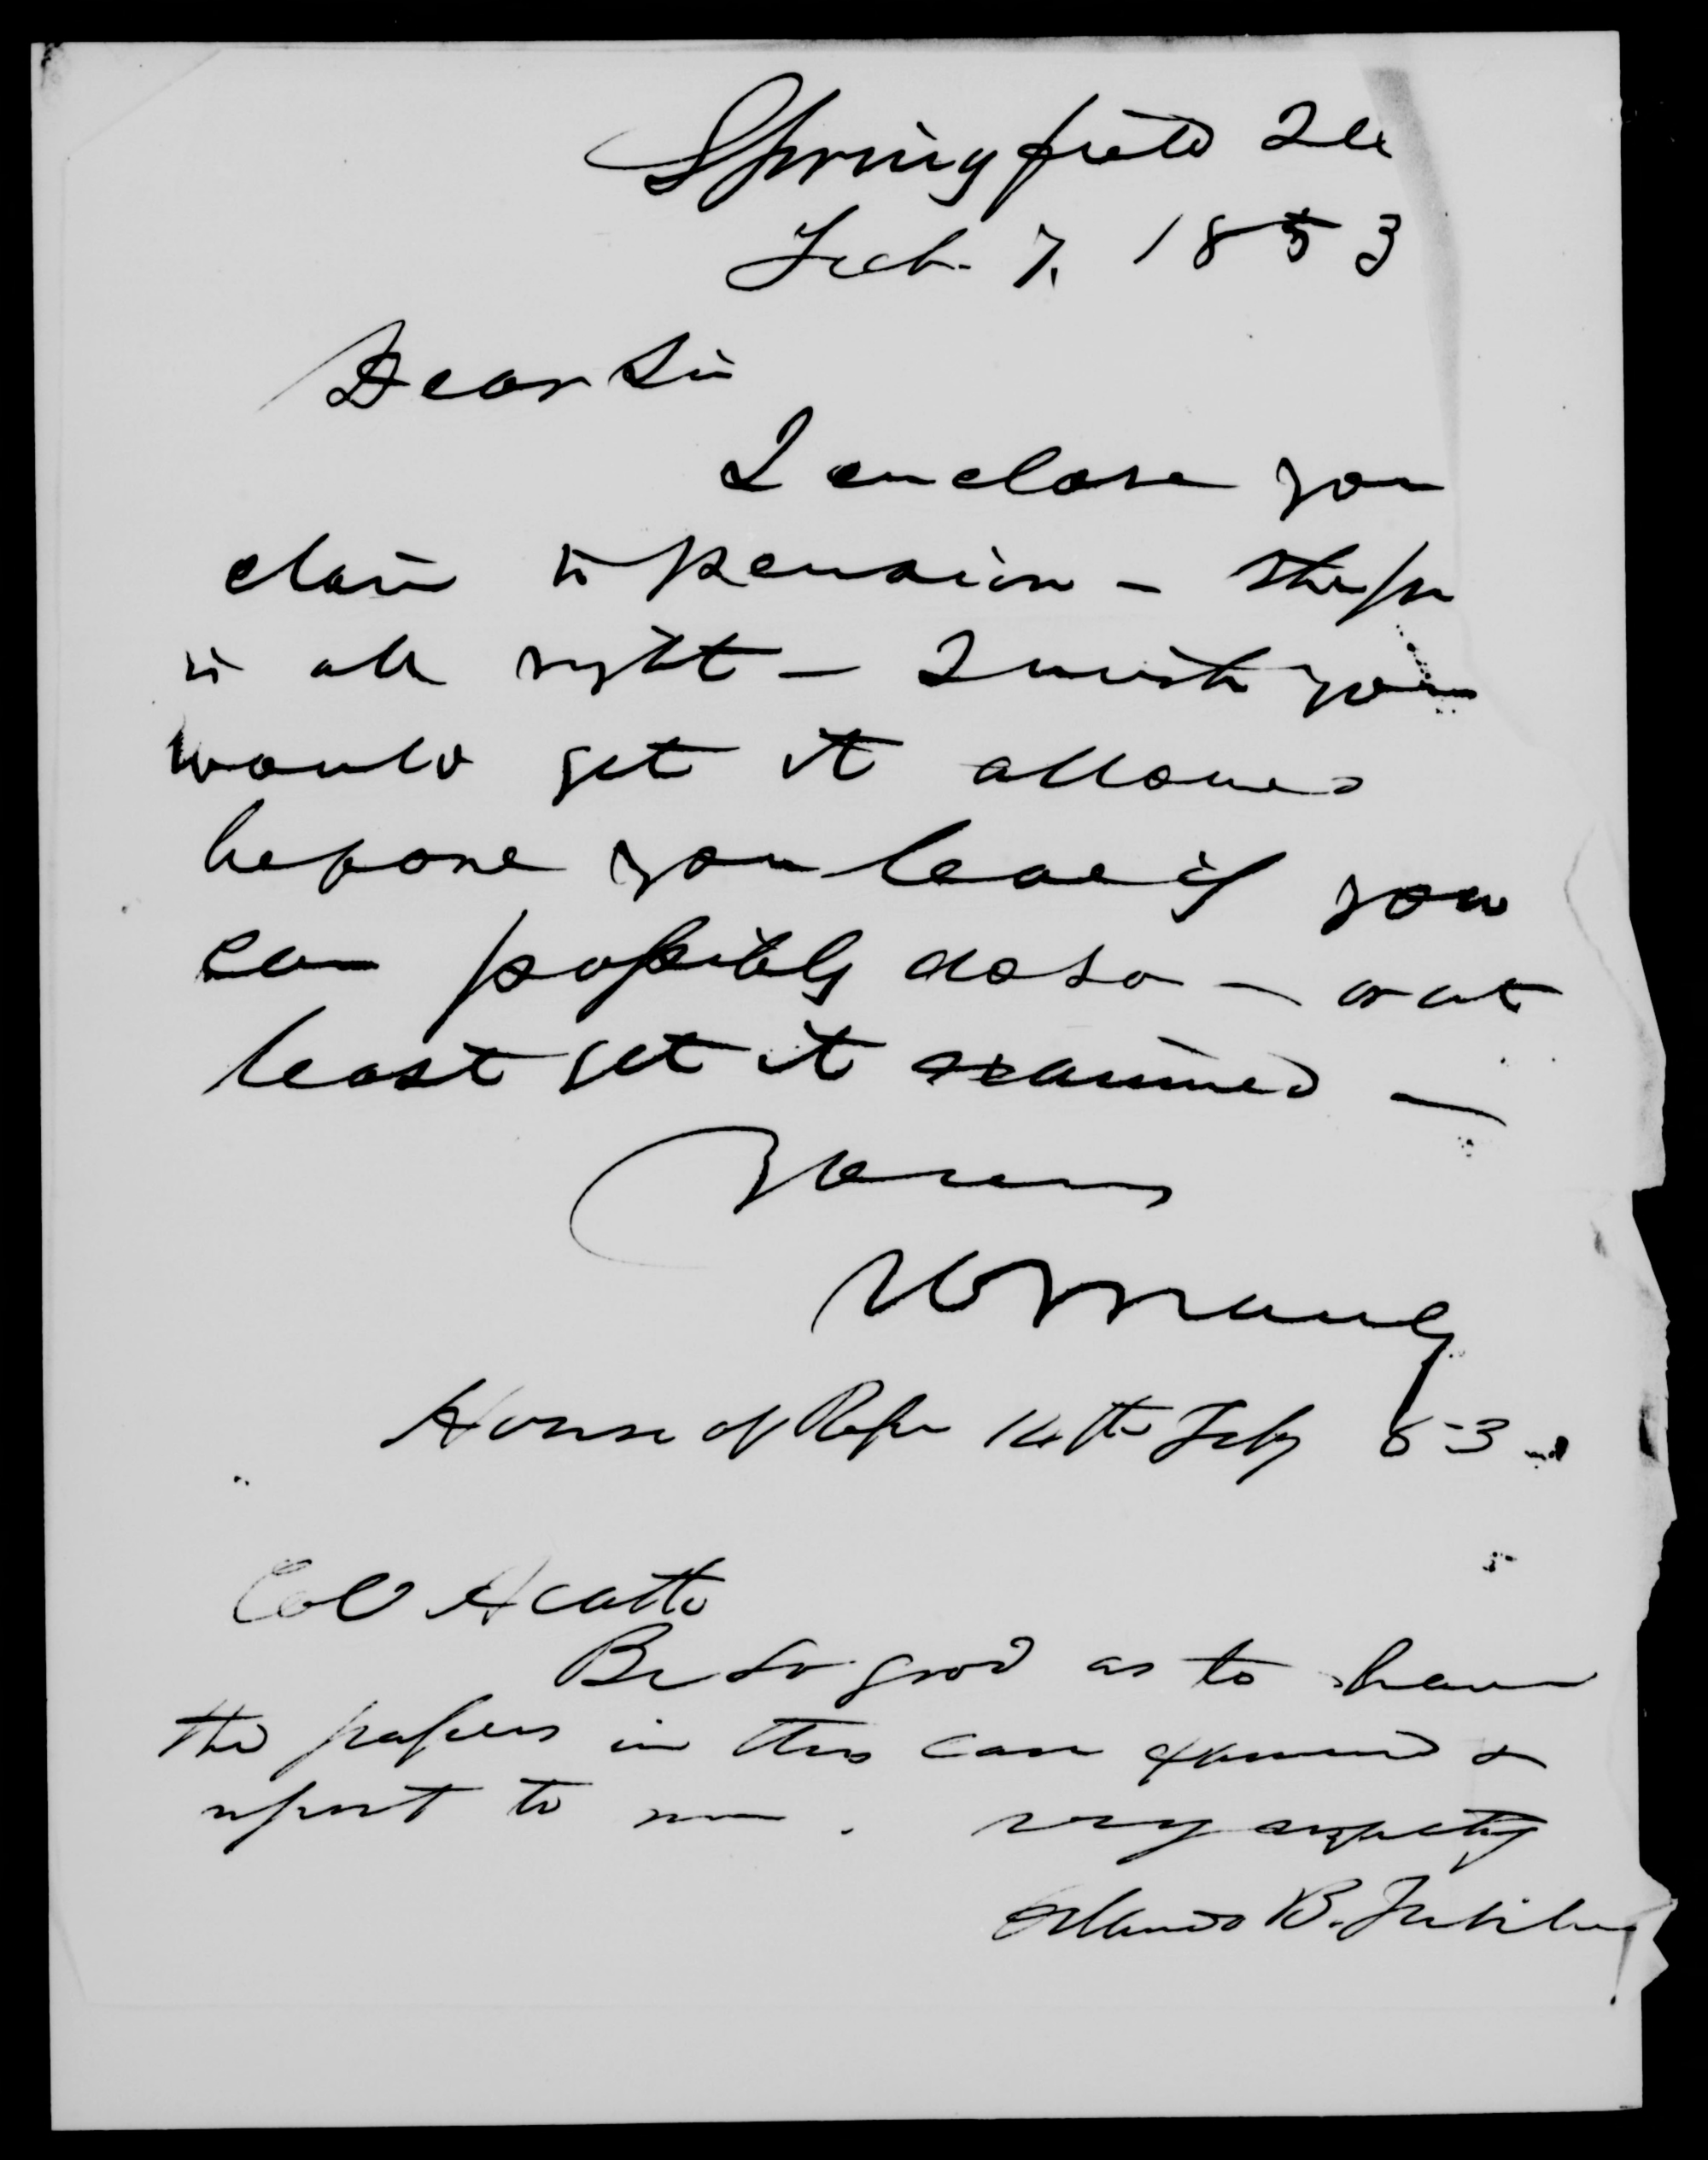Springfield Ill
Feb 7. 1853
Dear Sir
I enclose you claim to pension - [illegible] right - I wish you would get it allowed before you lea- if you ca possibly [illegible] - at least get it examined -
Yours W Manly

House of Rep 14th July 53
Col Heath
Be so good as to have the papers in [illegible] can [illegible] & report to me.
very [illegible]
[illegible] B. Ju-i-y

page: 77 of 99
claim: widow's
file: W 8766, for James Stevens, Virginia